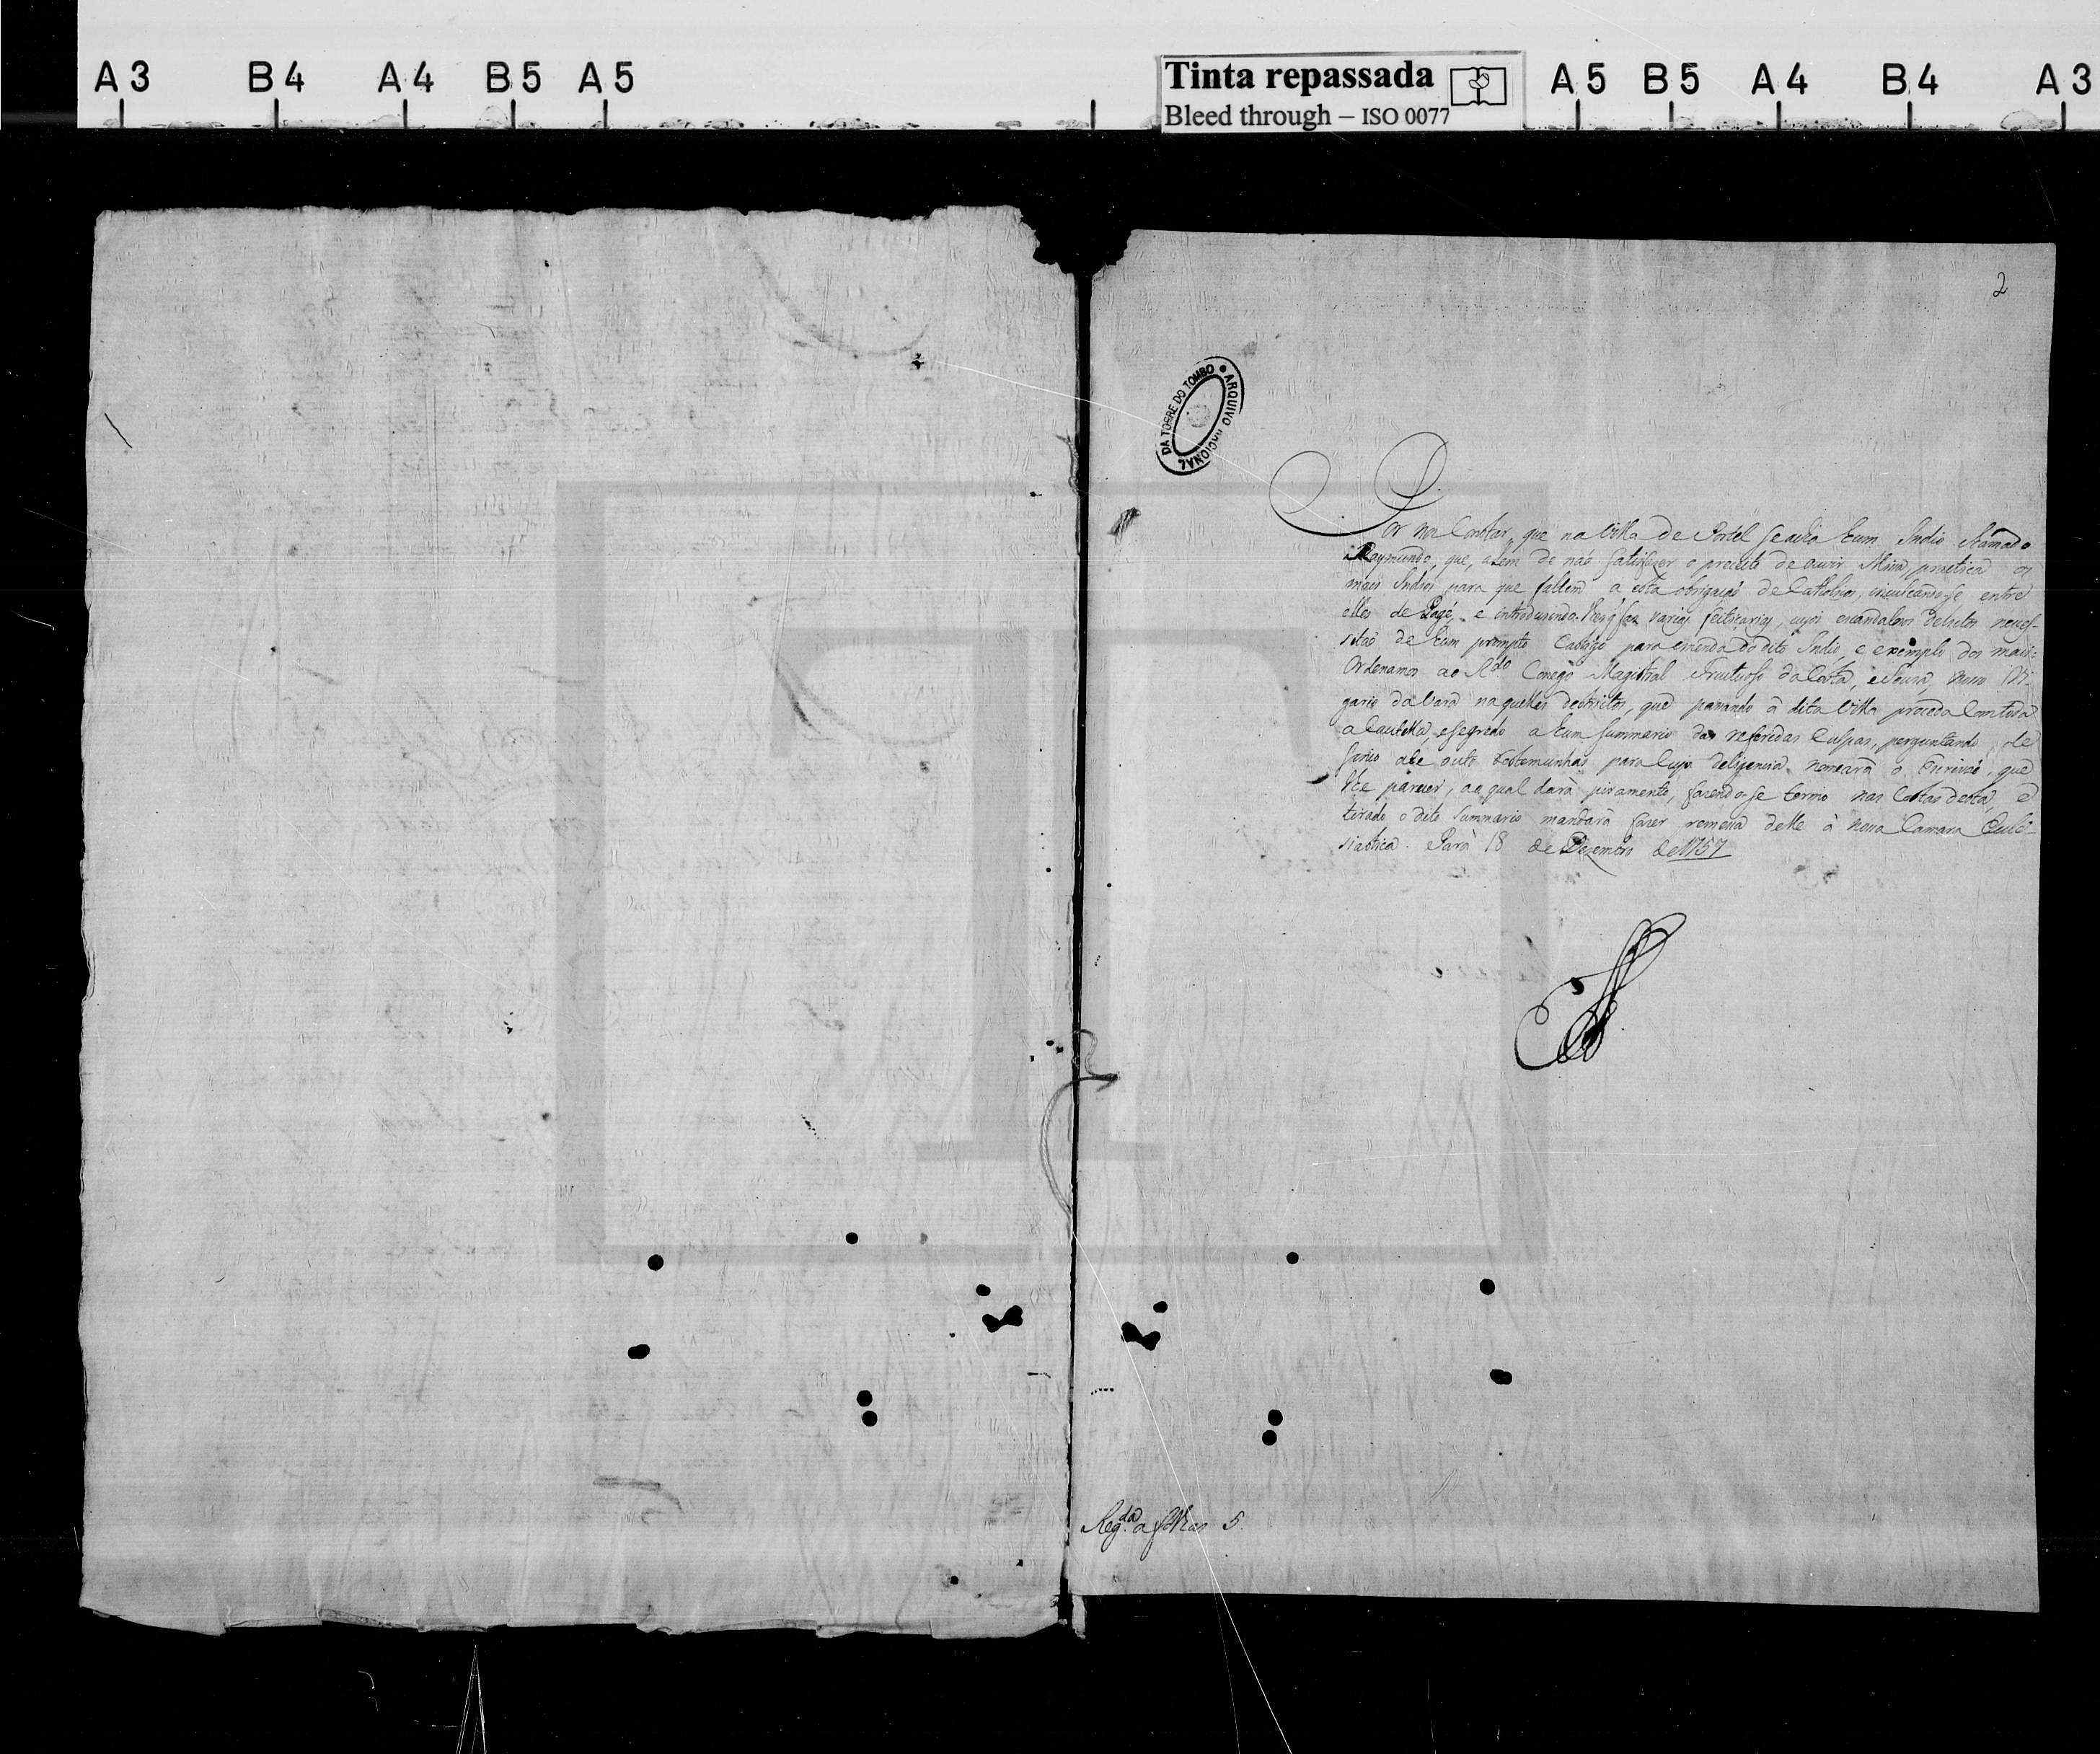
Reg.da a folhas 5
Por nos Constar que na Villa de Portel se acha hum Indio chamado
Raymundo, que alem de naõ satisfazer o preceito de ouvir Missa, pratica os
mais Indios para que faltem a esta obrigaçaõ de Catholicos, circulando-se entre
elles de Pagé, e introdusindo lhes q̄ faz varias feitiçarias, cujos escandalosos delictos necces
sitaõ de hum promto Castigo para emenda do dito Indio, e exemplo dos mais
Ordenamos ao R.do Conego Magistral Fructuoso da Costa, e Souza, nosso Vi
gario da vara naquelles destrictos, que passando à dita Villa proceda Com toda
a Cautella, e segredo a hum sumario das referidas Culpas, perguntando de
ferio ate outo testemunhas para Cuja deligencia nomeará o Escrivaõ que
lhe parecer, ao qual dará juramento, fazendo-se termo nas Costas desta, e
tirado o dito summario mandará fazer remessa delle à nossa Camara Eccle
siastica. Pará 18 de Dezembro de 1757
